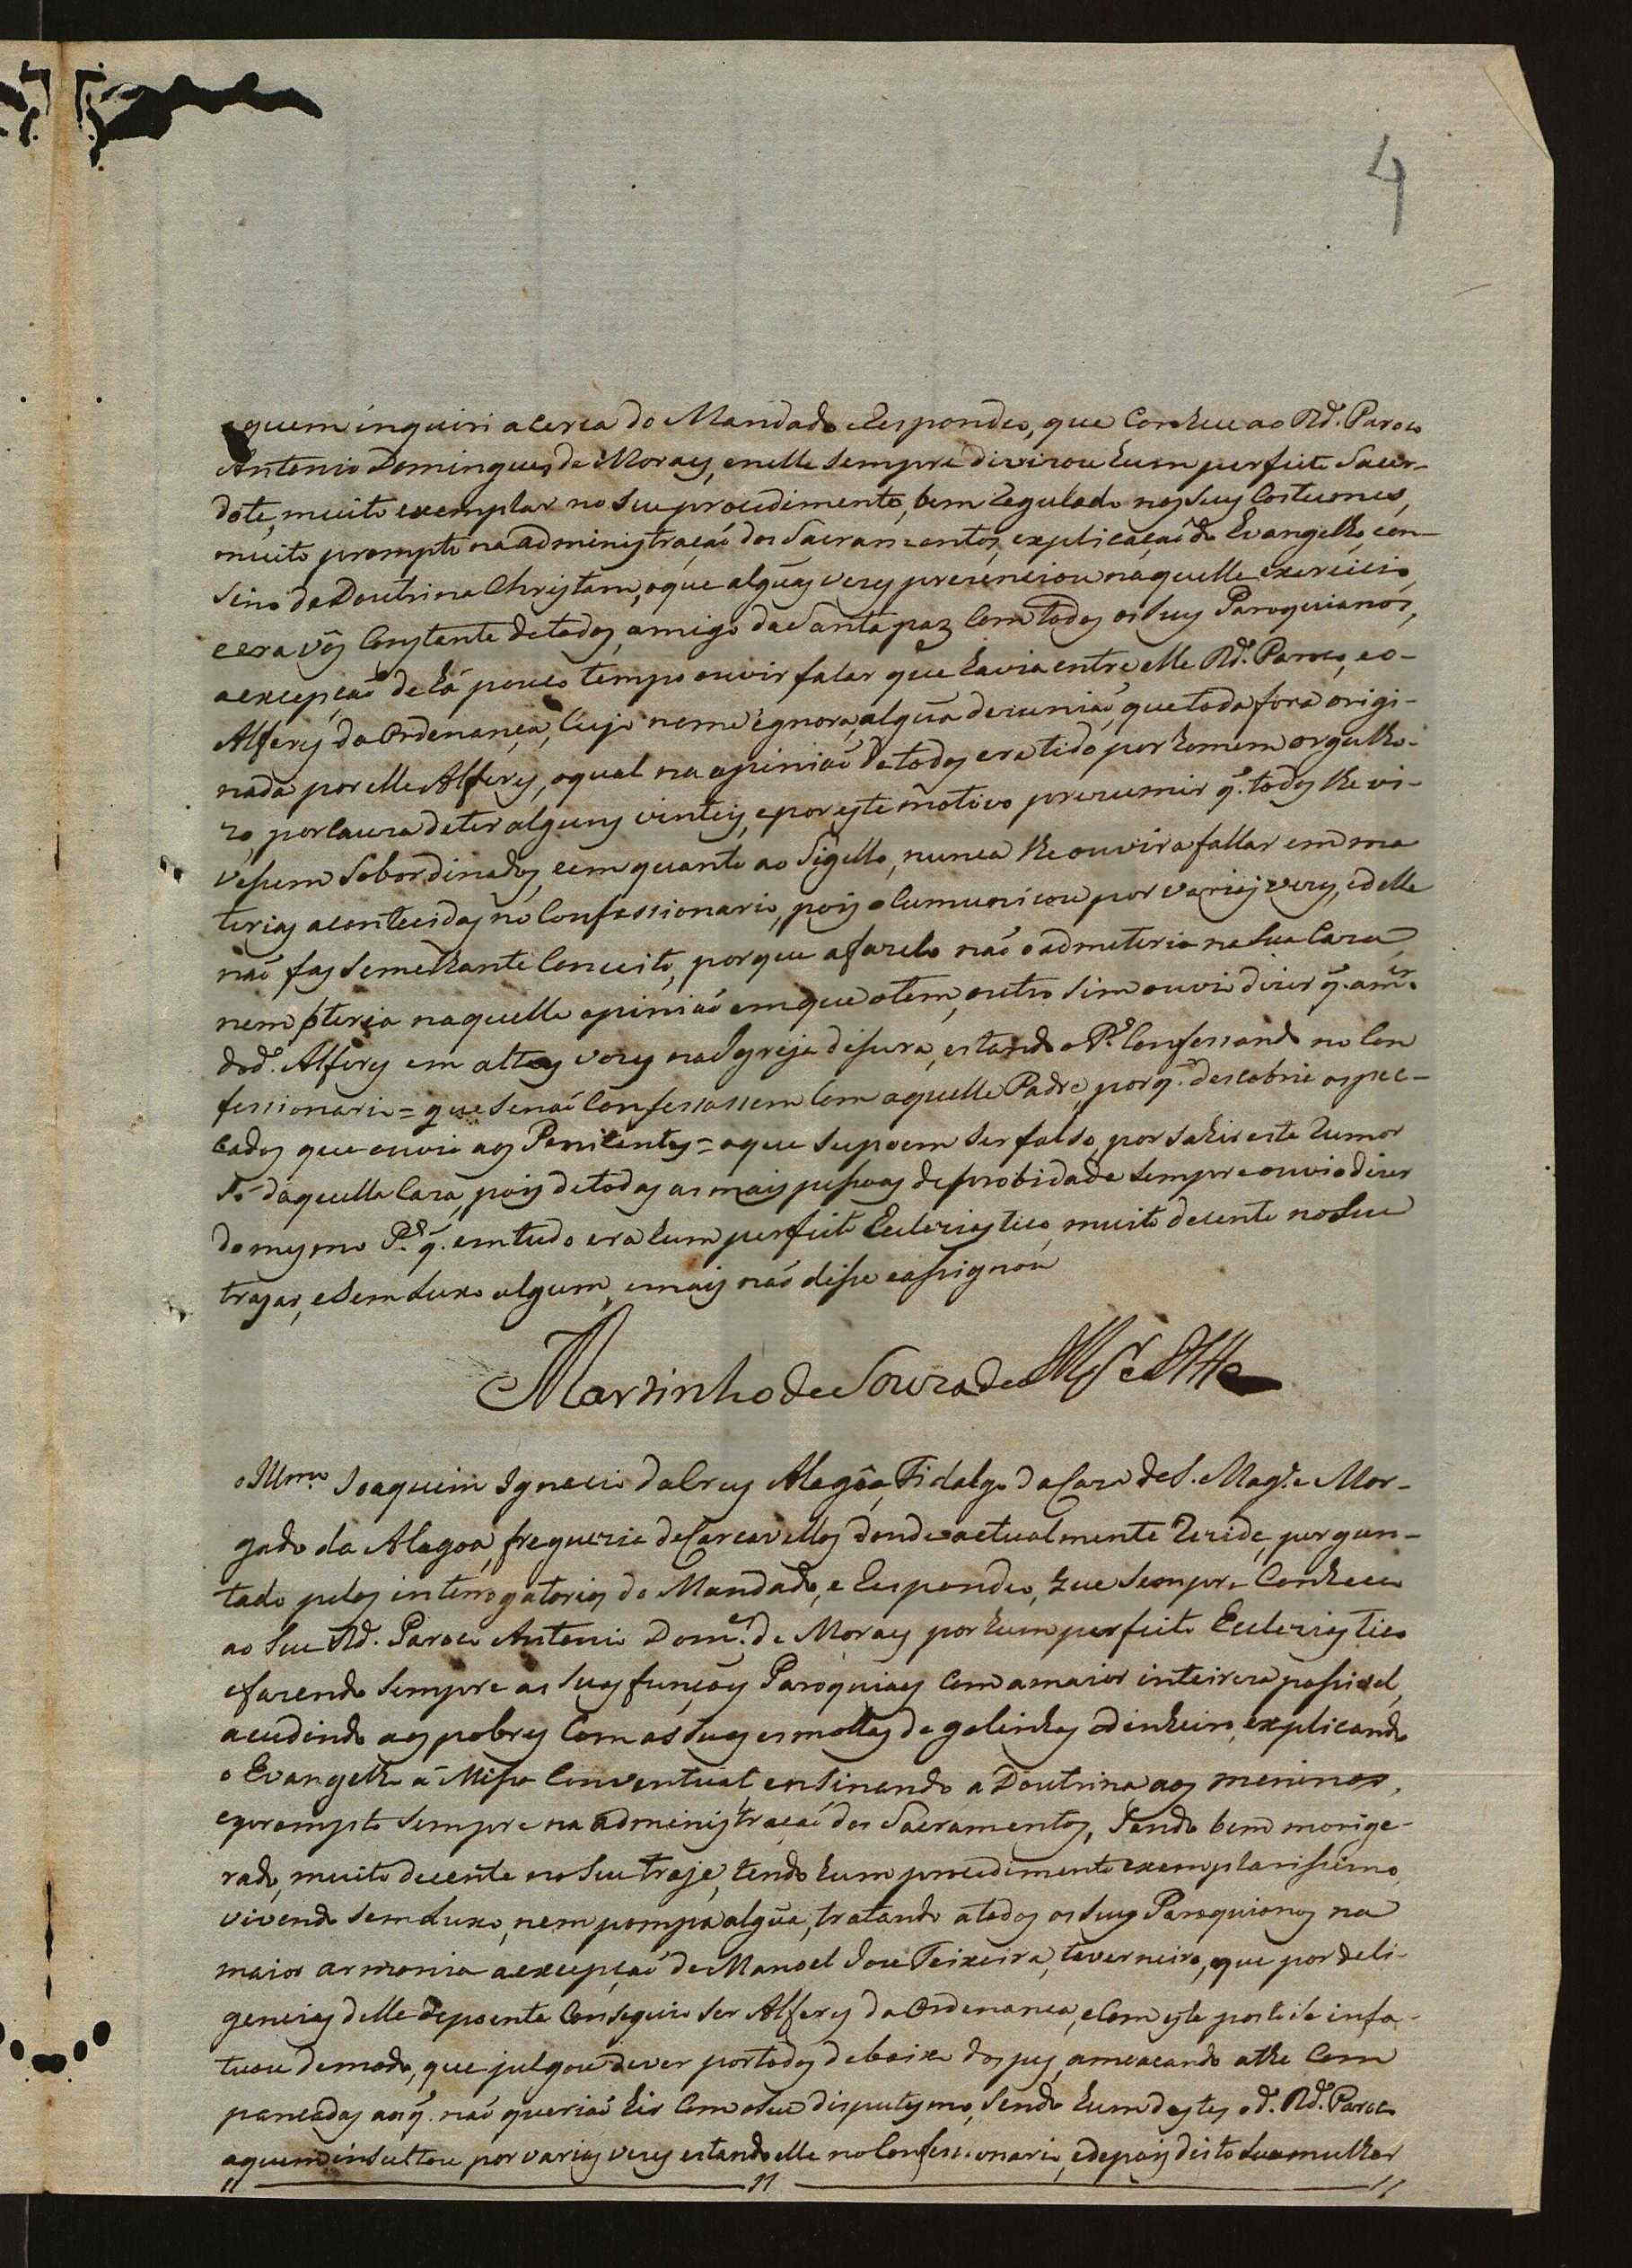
quem inquiri acerca do Mandado e Respondeo, que conhece ao Rd.o Paroco
Antonio Domingues de Moraes, e nelle sempre divizou hum perfeito sacer
dote, muito exemplar no seu procedimento, bem Regulado nos seus costumes,
muito prompto na administraçaõ dos sacramentos, explicaçaõ do Evangelho, e en
sino da Doutrina christam, o que algūas vezes prezenciou naquelle exercicio,
e era vês constante de todos, amigo da Santa paz Com todos os seus Paroquanos,
a excepçaõ de há pouco tempo ouvir falar que havia entre elle Rd.o Paroco, e o
Alferes da Ordenança, Cujo nome ignora, algūa dezuniaõ, que toda fora origi
nada por elle Alferes, o qual na opiniaõ de todos era tido por homem orgulho
zo, por cauza de ter alguns vinteis, e por este motivo prezumir q̄ todos lhe vi
vessem sobordinados, e emquanto ao Sigillo, nunca lhe ouvira fallar em ma
terias acontecidas no Confessionario, pois o Cumunicou por varias vezes, e delle
naõ fas semelhante Conceito, porque a fazelo naõ o admeteria na sua caza
nem o teria naquella opiniaõ em que o tem, outrosim ouvio dizer q̄ a m.er
do d.o Alferes em altas vozes na Igreja dissera, estando o P.e Confessando no Con
fessionario = que senaõ confessassem com aquelle Padre, porq̄ descobria os pec
cados que ouvia aos Penitentes = o que supoem ser falso, por sahir este Rumor
só daquella Caza, pois de todas as mais pessoas de probidade sempre ouvio dizer
do mesmo P.e q̄ em tudo era hum perfeito Eccleziastico, muito decente no seu
trajar, e sem Luxo algum, e mais naõ disse e assignou
o Ill.mo Ioaquim Ignacio da Crus Alagôa, Fidalgo da Caza de S. mag.e e Mor
gado da Alagoa, freguezia de Carcavellos donde actualmente Rezide, pergun
tado pelos interrogatorios do Mandado, e Respondeo, Que sempre Conheceo
ao seu Rd.o Paroco Antonio Dom.es de Moraes por hum perfeito Eccleziastico
e fazendo sempre as suas funções Paroquiaes com a maior inteireza possivel,
acudindo aos pobres Com as suas esmollas de galinhas e dinheiro, explicando
o Evangelho á Missa Conventual ensinando a Doutrina aos meninos,
e prompto sempre na administraçaõ dos Sacramentos, sendo bem morige
rado, muito decente no seu traje, tendo hum procedimento exemplarissimo,
vivendo sem Luxo, nem pompa algūa, tratando a todos os seus Paroquianos na
maior armonia a excepçaõ de Manoel Ioze Teixeira, taverneiro, que por deli
gencias delle depoente conseguio ser Alferes da Ordenança, e com este posto se infa
tuou de modo, que julgou dever por todos debaixo dos pes, ameacando athe com
pancadas aos q̄ naõ queriaõ hir Com o seu disputismo, sendo hum destes o d.o Rd.o Paroco
a quem insultou por varias vezes estando elle no Confessionario, e depois disto sua mulher
